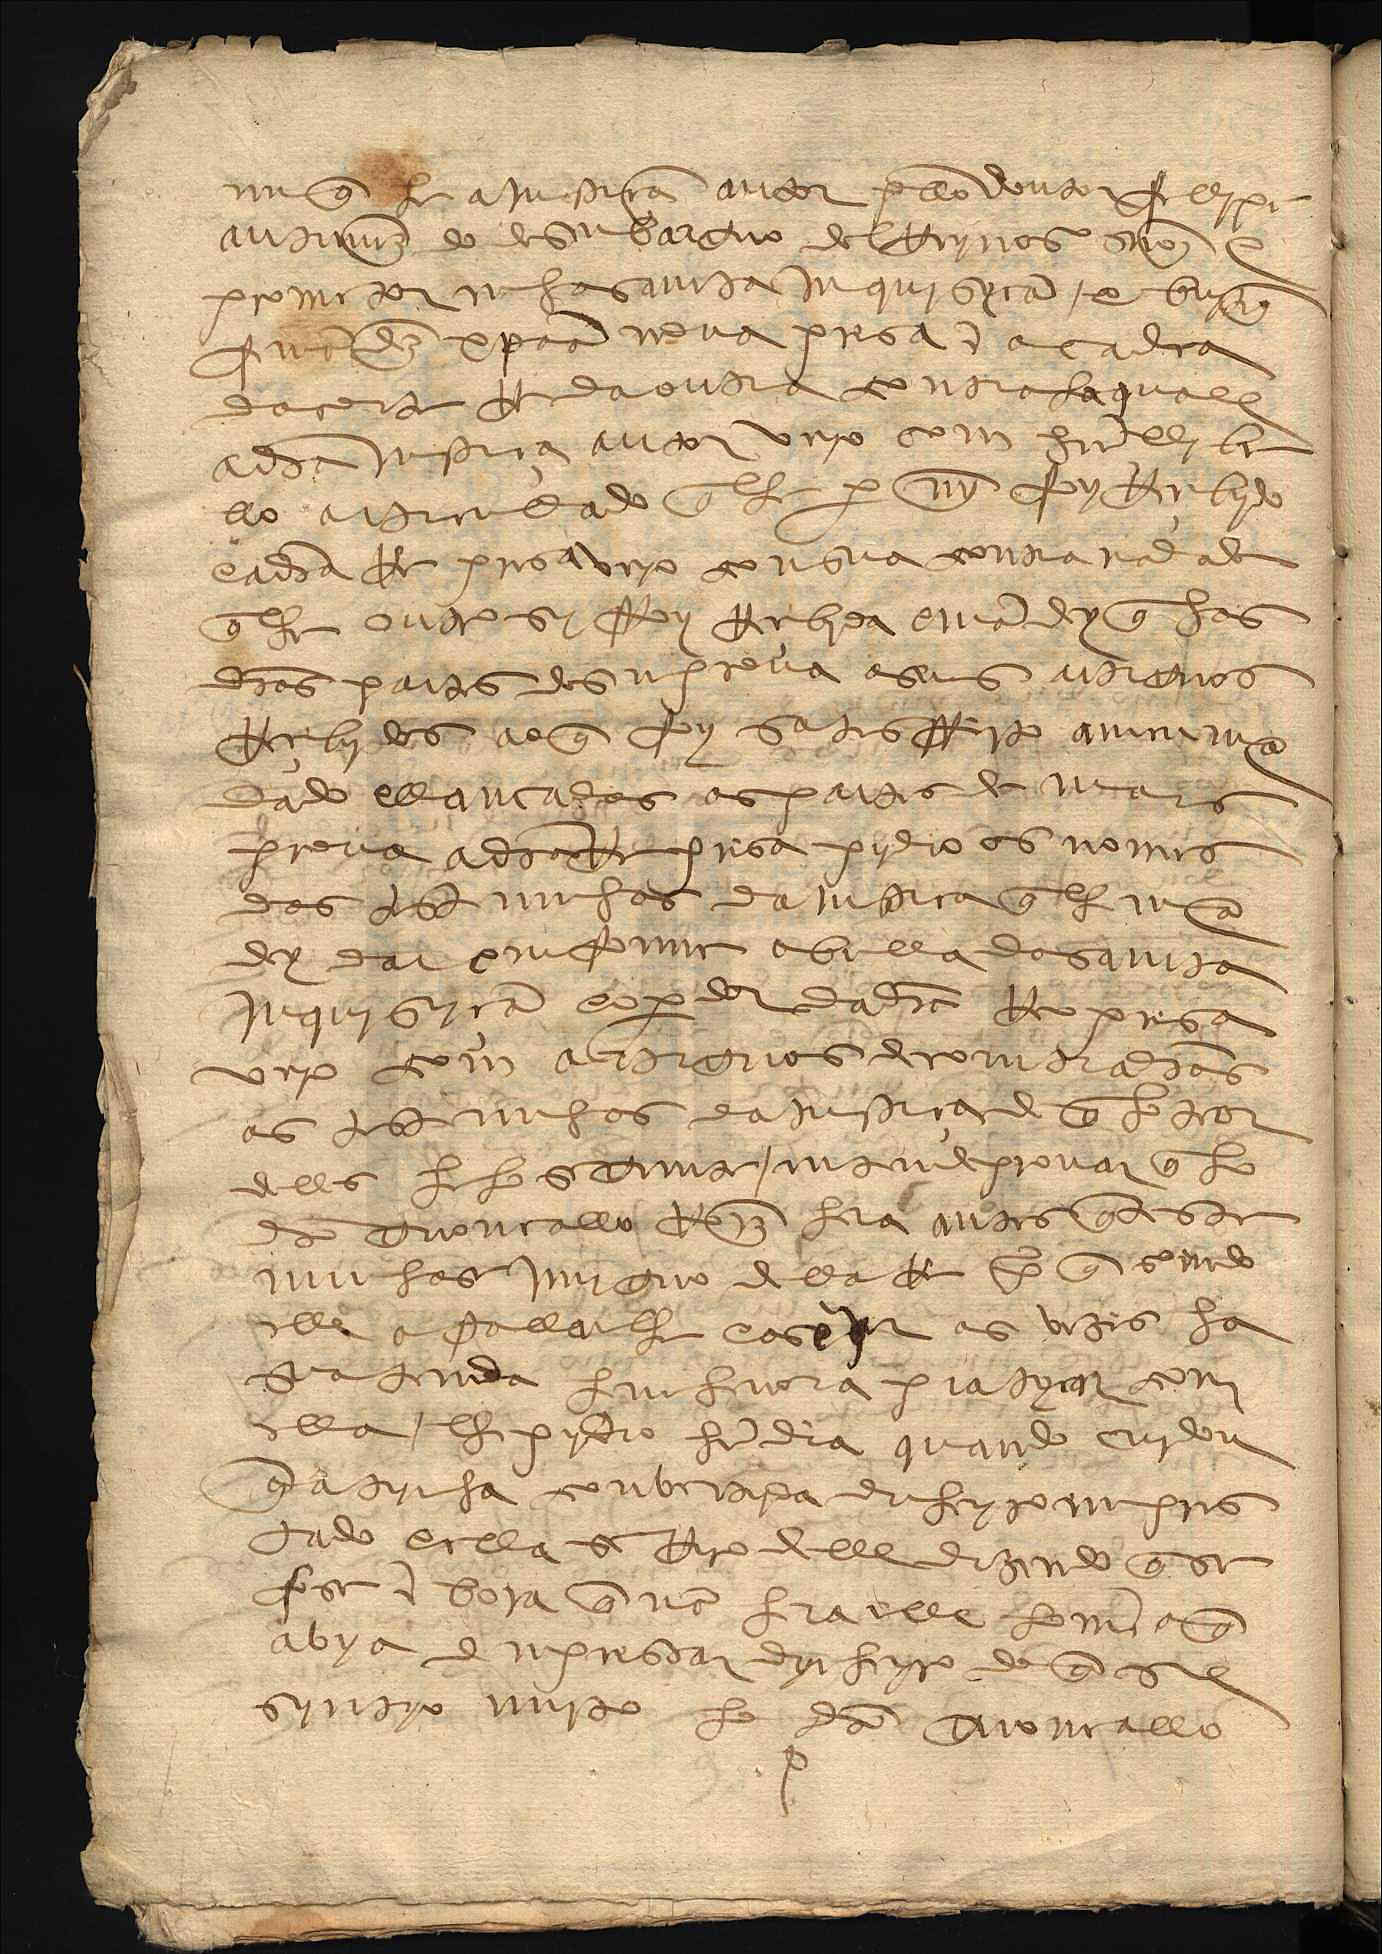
em q̄ he a Justiça autor p̄llo doutor felljpe
antunez do desenbarguo del Rey noso snōr e
prometor en ha samta Jnqujsycā / e brytiz
fernādez xpaā noua presa ē a cadea
da corte Re da outra contra ha quall
a dt̄a Justiça autor veyo com hū lljbe
llo articullado q̄ lhe ꝑ mȳ foy Reçebydo
e a dt̄a Re presa veyo con sua contrariadade
q̄ lhe outrosy ffoy Reçebjda e mādey q̄ has
dt̄as partes desen proua a seus artiguos
Reçebydos ao q̄ foy satisffejto a meu mā
dado e llancadas as partes de mais
proua a dt̄a Re presa pydio os nomes
das testemuhas da justica q̄ lhe mā
dey dar conforme a bulla da samta
Jnqujsyçā e o ꝑdor da dt̄a Re presa
vejo com artiguos de comtradt̄as
as testemuhas da Justiça de q̄ ho teor
delles he ho segimte / entende prouar q̄ ho
dt̄o guoncallo Rōjz hera antes q̄ teste
munhase Jmjguo della Re p̄oq̄ soendo
elle a fallar lhe e asy ter as vezes ha
sua tenda hem heuora pratycar com
ella / lhe pydio hū dia quando cujdou
q̄ a tynha convertyda dinheyro empres
tado e ella se Ryo delle dizendo q̄ se
fose ē bora q̄ nā hera elle homē a q̄
avya demprestar dynheyro do q̄ se
syntyo mujto ho dt̄o guoncallo
